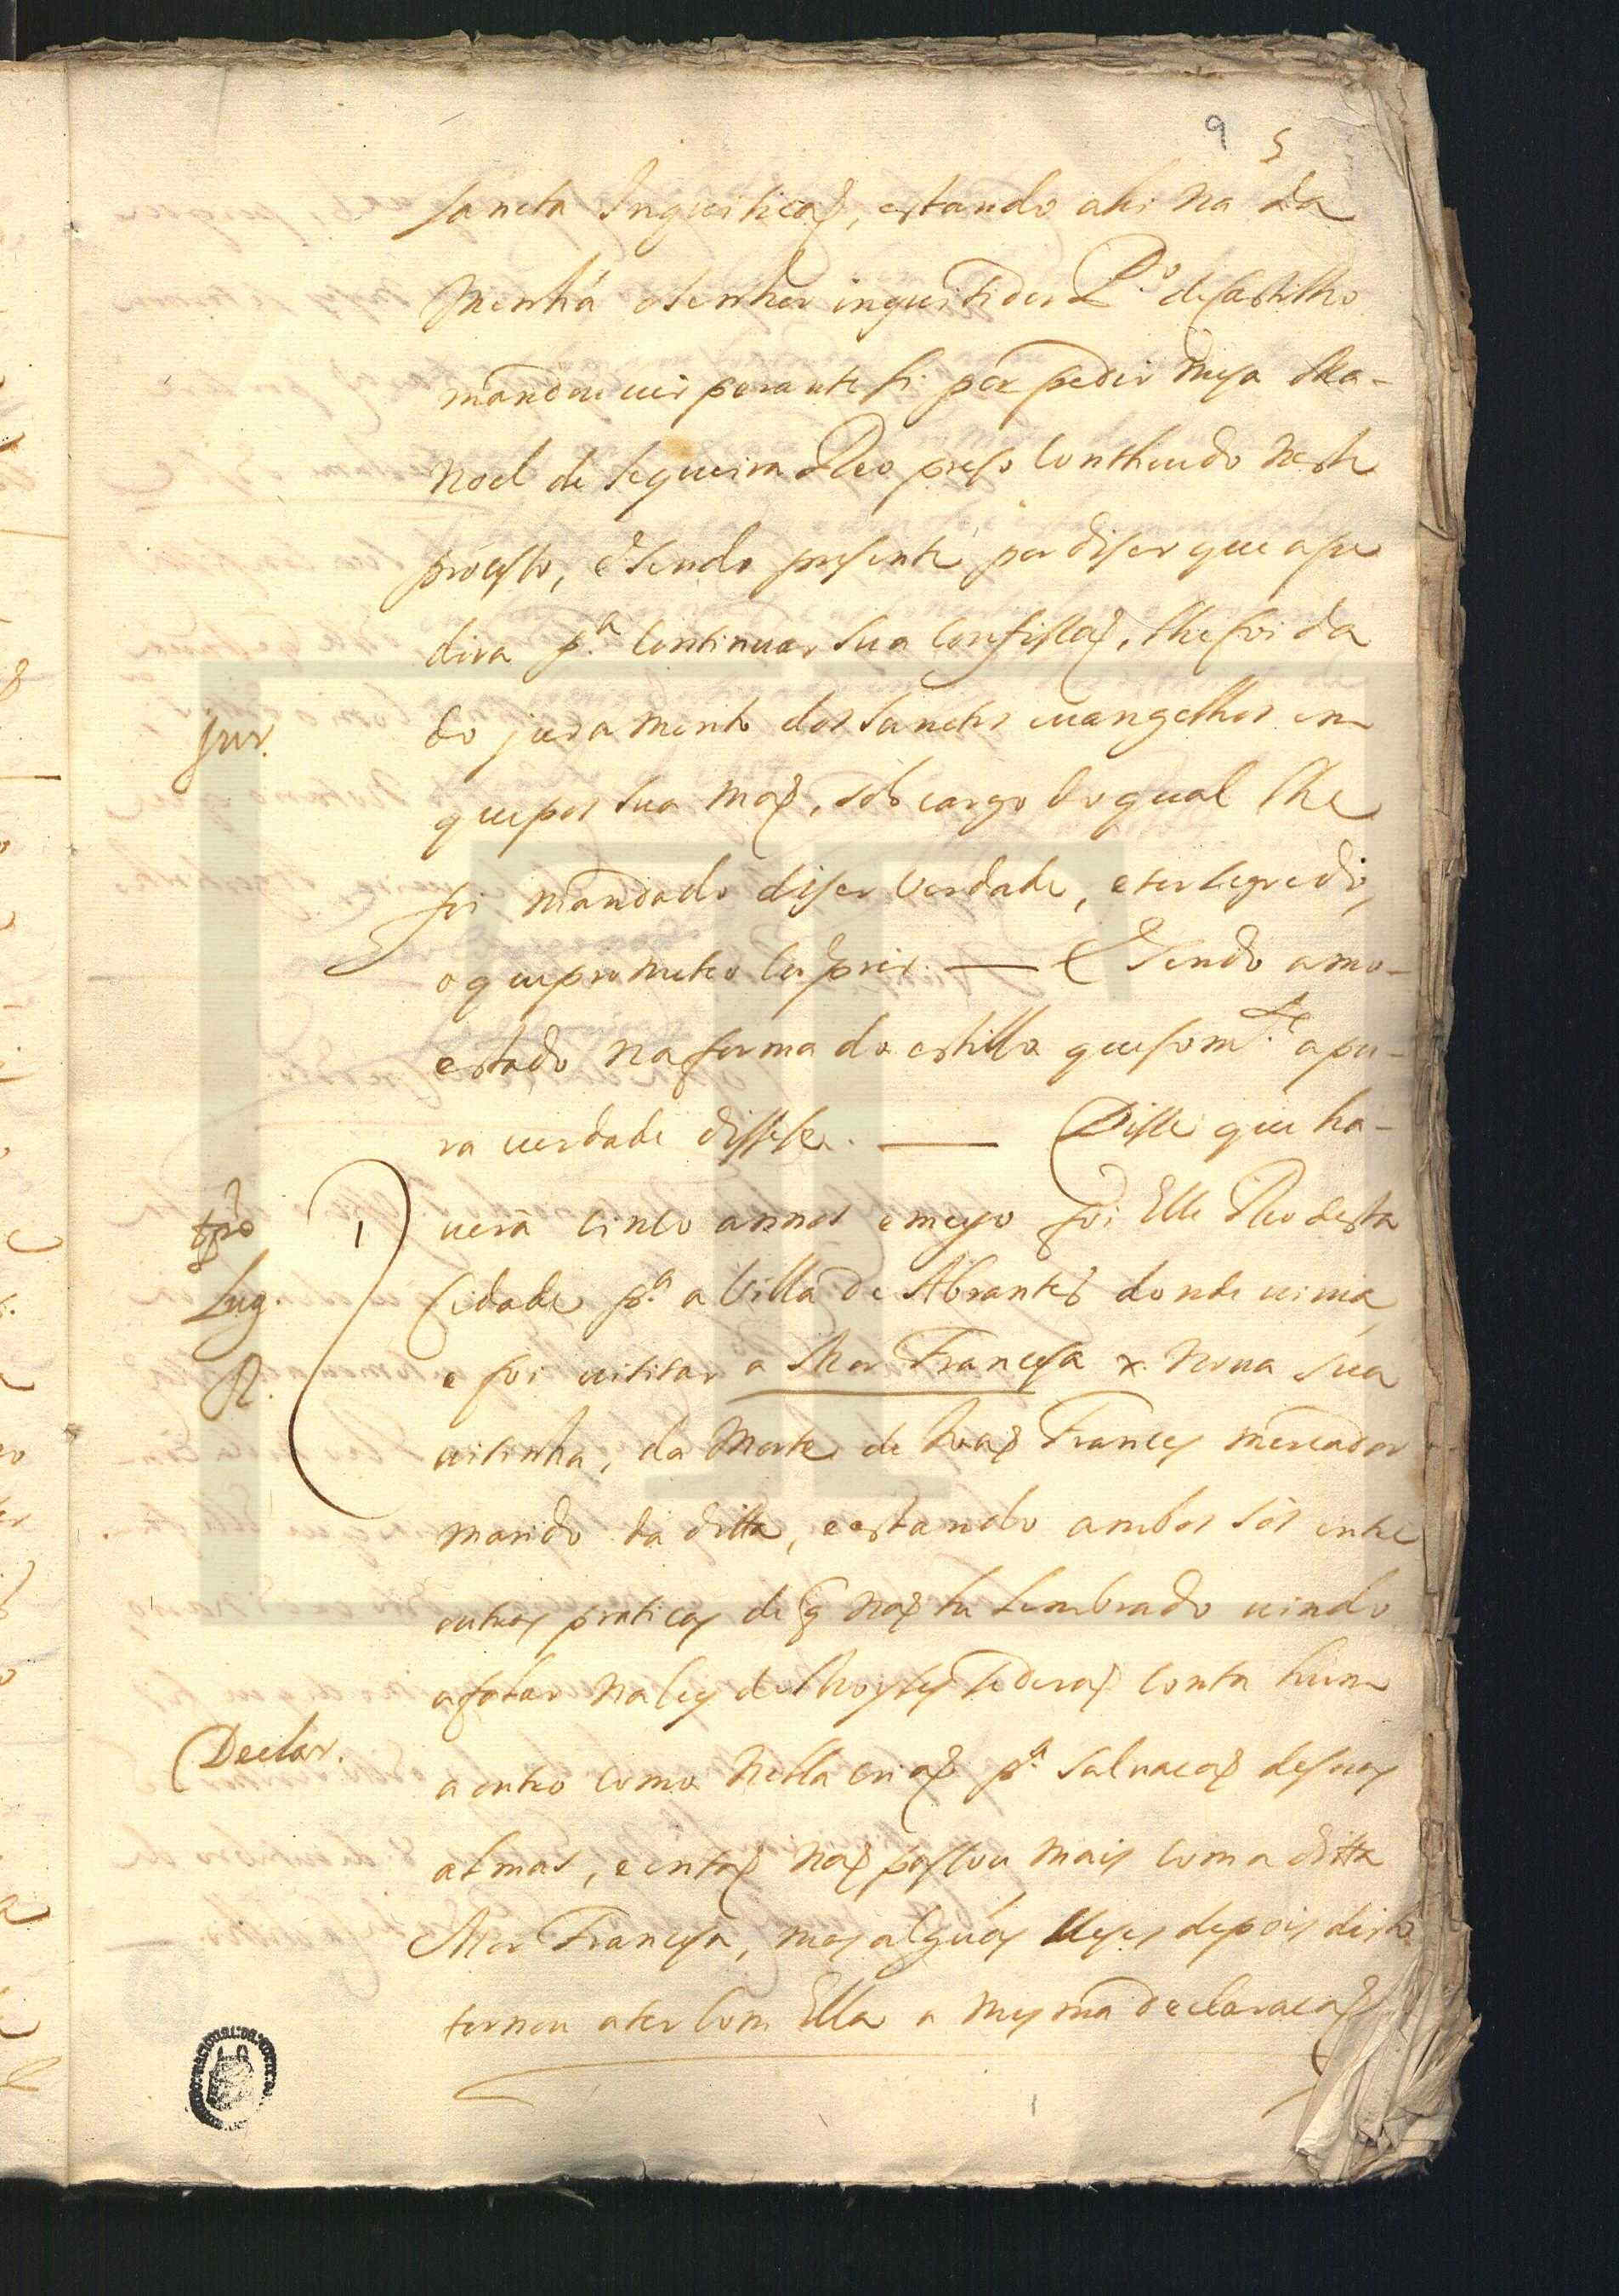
Jur.
tp̄o
Lug.
R.
Declar.
sancta Inquisiçaõ, estando ahi na da
menhã o senhor inquisidor P.o de Castilho
mandou uir perante si por pedir mesa Ma
noel de Sequeira Reo preso contheudo neste
processo, e sendo presente por diser que a pe
dira p.a continuar sua confissaõ, lhe foi da
do juramento dos Sanctos euangelhos em
que pos sua maõ, sob cargo do qual lhe
foi mandado diser verdade, e ter segredo,
o que prometeo cūprir. ‒ E sendo amo
estado na forma do estillo que som.te a pu
ra uerdade dissese. ‒ Disse que ha
uera cinco annos e meyo foi Elle Reo desta
Cidade p.a a Villa de Abrantes donde uiuia
e foi uisitar o Mor. Francesa x. noua sua
uisinha, da morte de Ioaõ Frances mercador
marido da ditta, e estando ambos sós entre
outras praticas de q̄ naõ he lembrado uindo
a falar na ley de Moyses se deraõ conta hum
a outro como nella criaõ p.a saluaçaõ de suas
almas, e entaõ naõ passou mais com a ditta
Mor Francesa, mas alguās Ueses depois de isto
tornou a ter com Ella a mesma declaraçaõ
